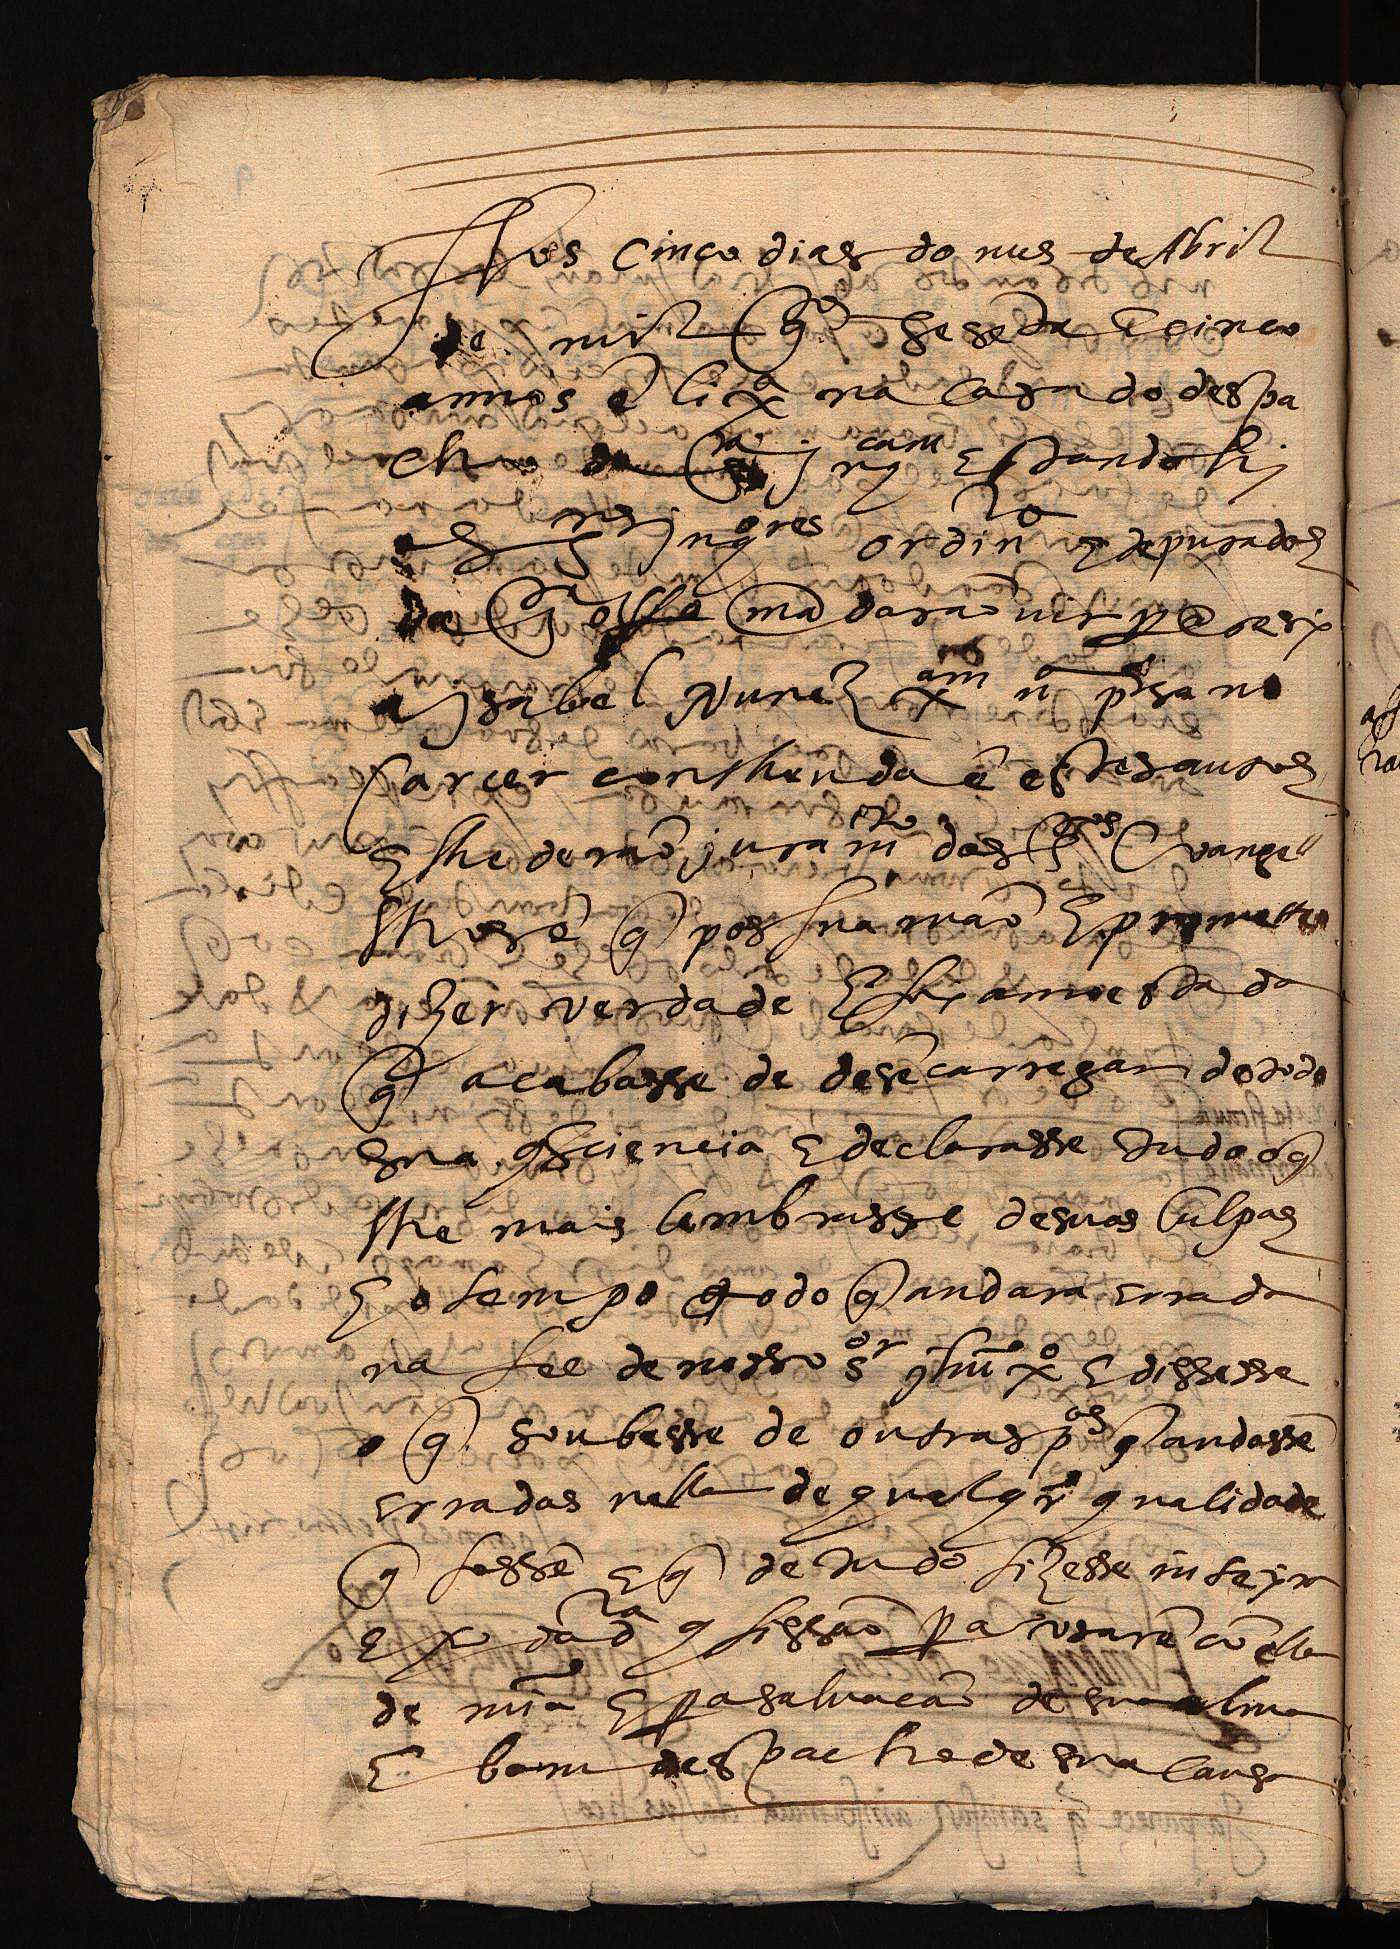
Aos cinco dias do mes de AbriL
de miL qtos sesēta E cinco
annos ē lixa na casa do despa
cho da Sta jnqcam Estando hj
os Sres Jnqores ordinro E deputados
do Sto offo mādaraõ uir ꝑāte sy
a Jsabel Nunez Xam na p̄sa no
Carcer contheuda ē estes autos
E lhe deraõ juramto dos Stos Evange
lhos ē q̄ pos sua maõ E prometteo
dizer verdade E foi amoestada
q̄ acabasse de desēcarregar de todo
sua ꝯsciencia E declarasse tudo o q̄
lhe mais lembrasse de suas Culpas
E o tempo todo q̄ andara Errada
na fee de nosso sor jhū xo E dissesse
o q̄ soubesse de outras pas q̄ andassē
Erradas nella de qualqr̄ qualidade
q̄ fossē E q̄ de tudo fizesse inteyra
E ꝟdadra ꝯfissaõ ꝑa vsarē cō ella
de mīa E ꝑa saluacaõ de sua alma
E bom despacho de sua causa
